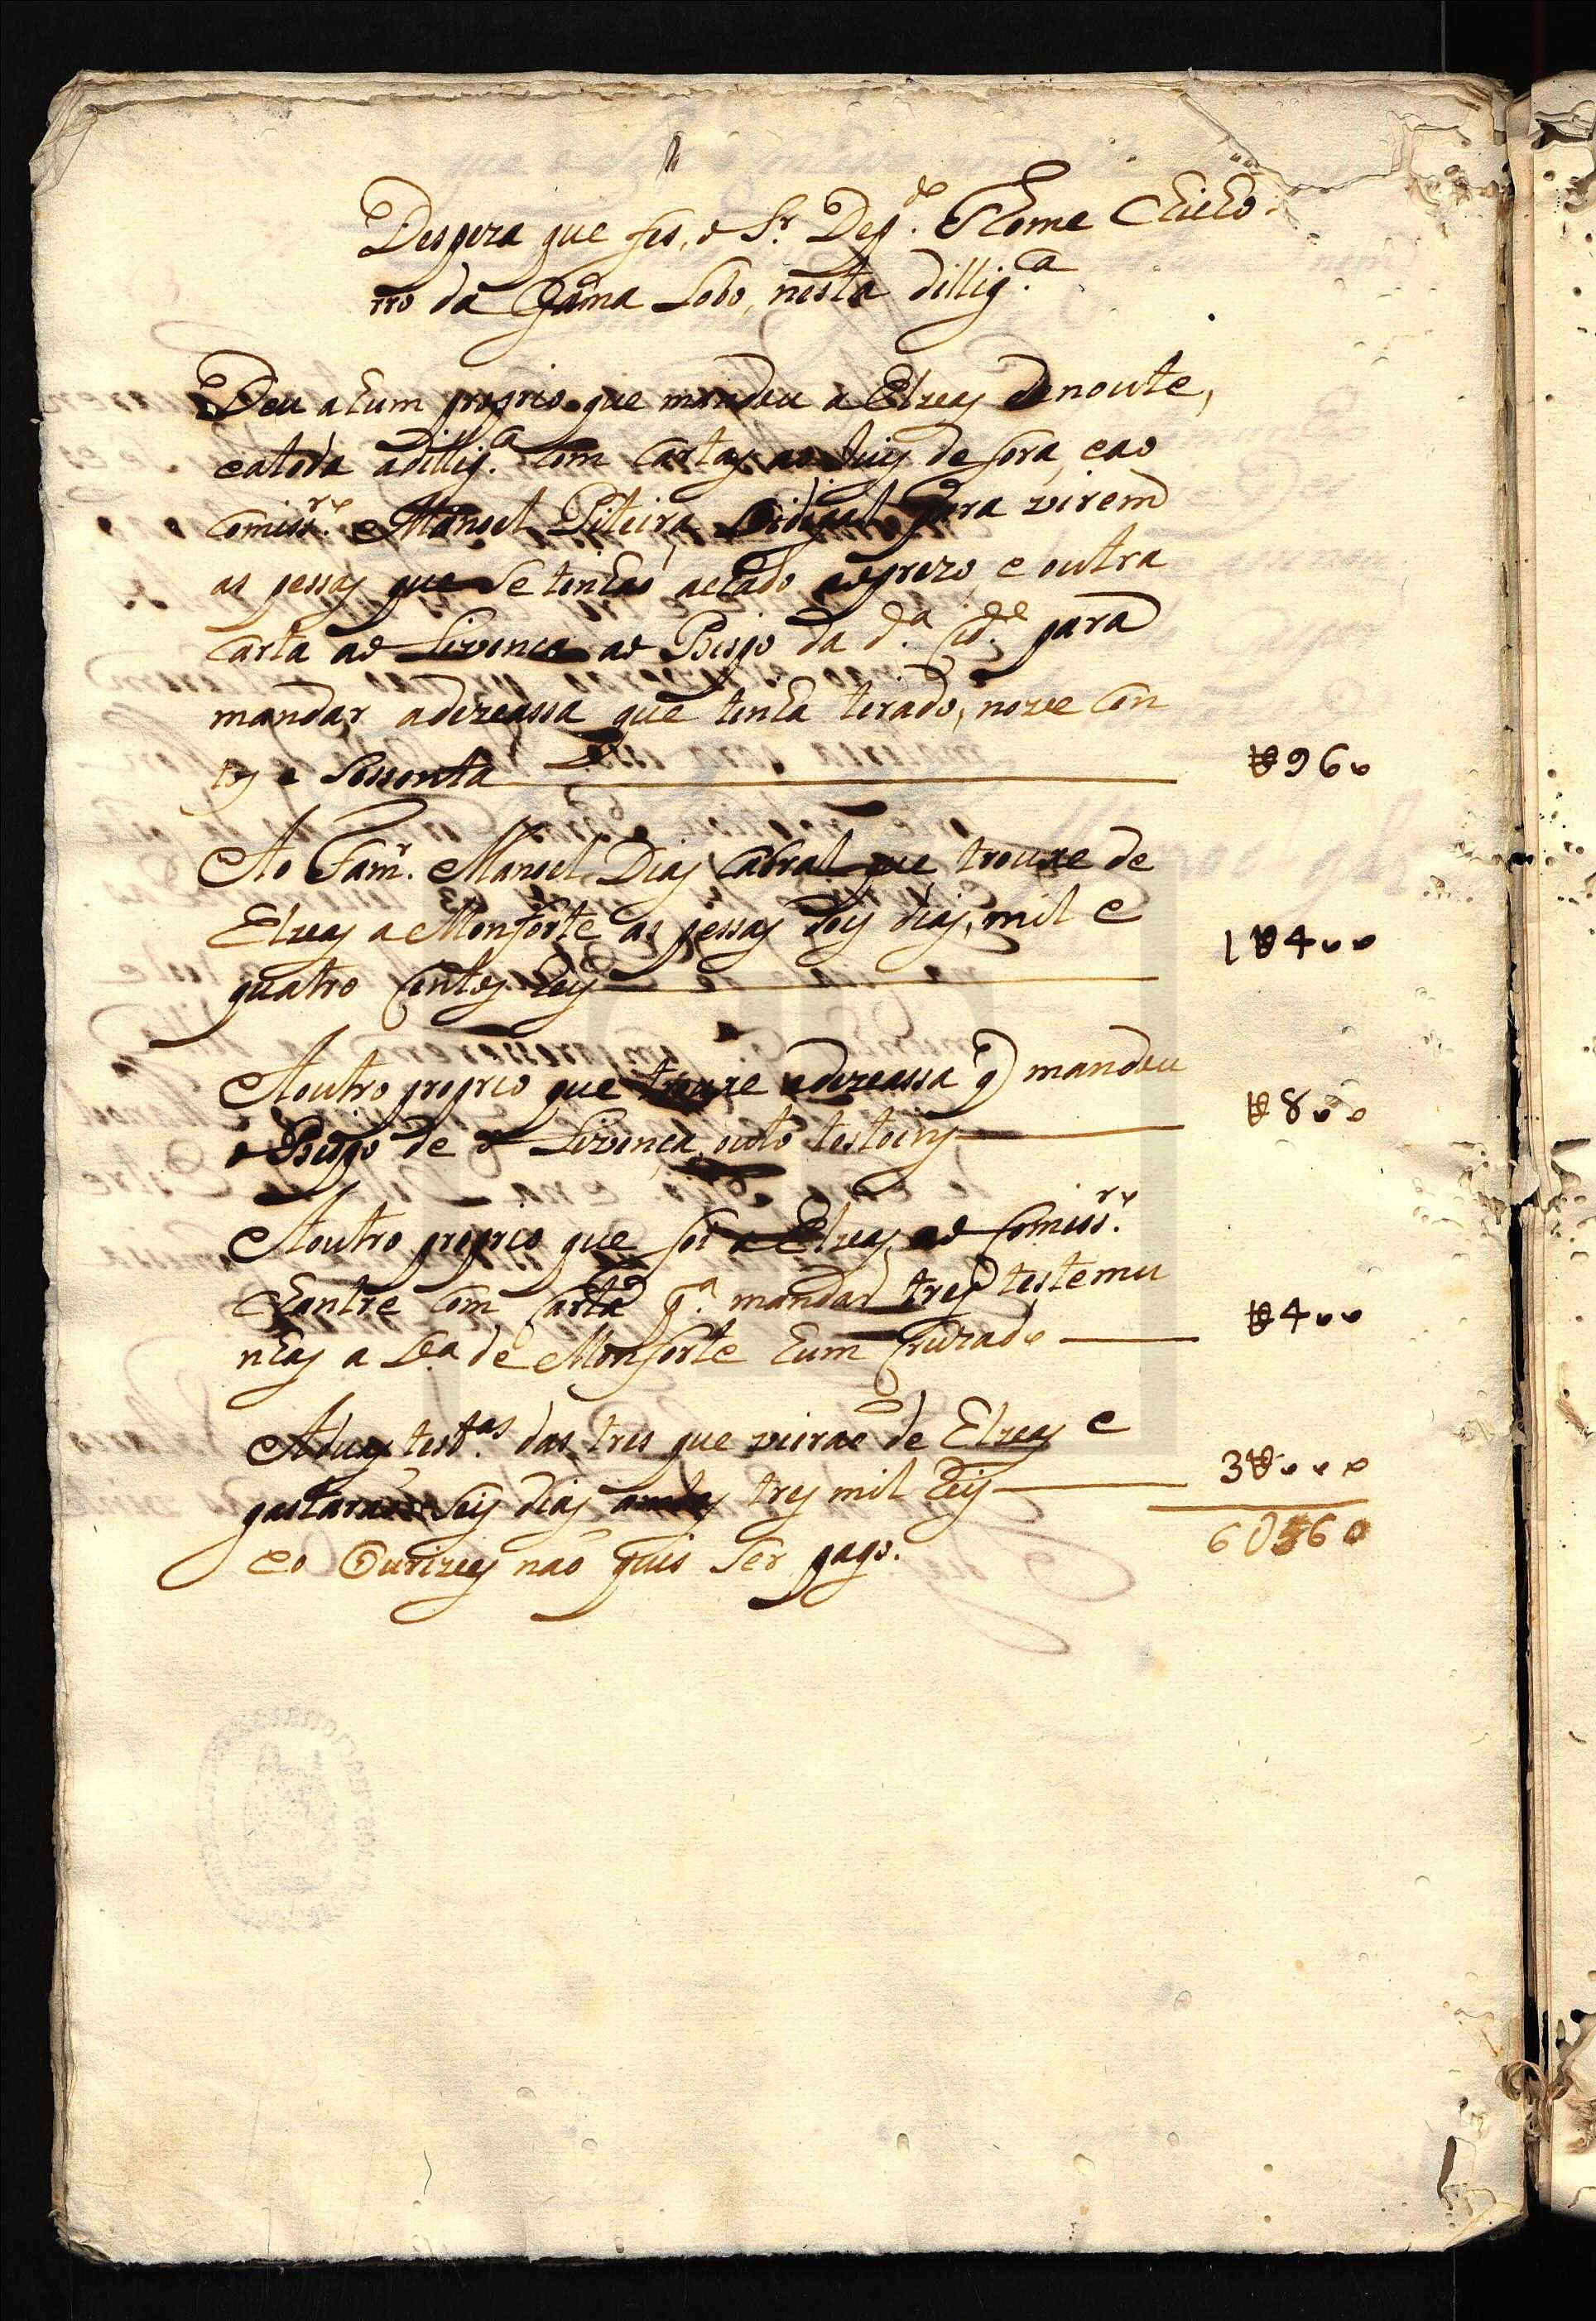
Despeza que fes, o S.r Dep.do Thome chicho
rro da Gama Lobo, nesta dillig.ca
Deu a hum proprio que mandou a Elvas de noute,
e a toda a dillig.ca com cartas ao Iuis de fora, e ao
comiss.ro Manoel Piteira Vidigal para virem
as pessas que se tinhaõ achado ao prezo, e outra
carta a oLivença ao Bispo da d.a Cid.e para
mandar a devassa que tinha tirado, nove con
$960
tos e sessenta
Ao Fam.r Manoel Dias Cabral que trouxe de
Elvas a Monforte as pessas dois dias, mil e
1$400
quatroCentos Reis
A outro proprio que trouxe a devassa q̄ mandou
$800
o Bispo de oLivença, outo tostoins
A outro proprio que foi a Elvas ao Comiss.rr
chantre com Carta p.a mandar tres testemu
$400
nhas a V.a de Monforte hum Cruzado
A duas test.as das tres que vieraõ de Elvas e
3$000
gastarão seis dias ambas tres mil Reis
6$560
e o Ourives naõ quis ser pago.
